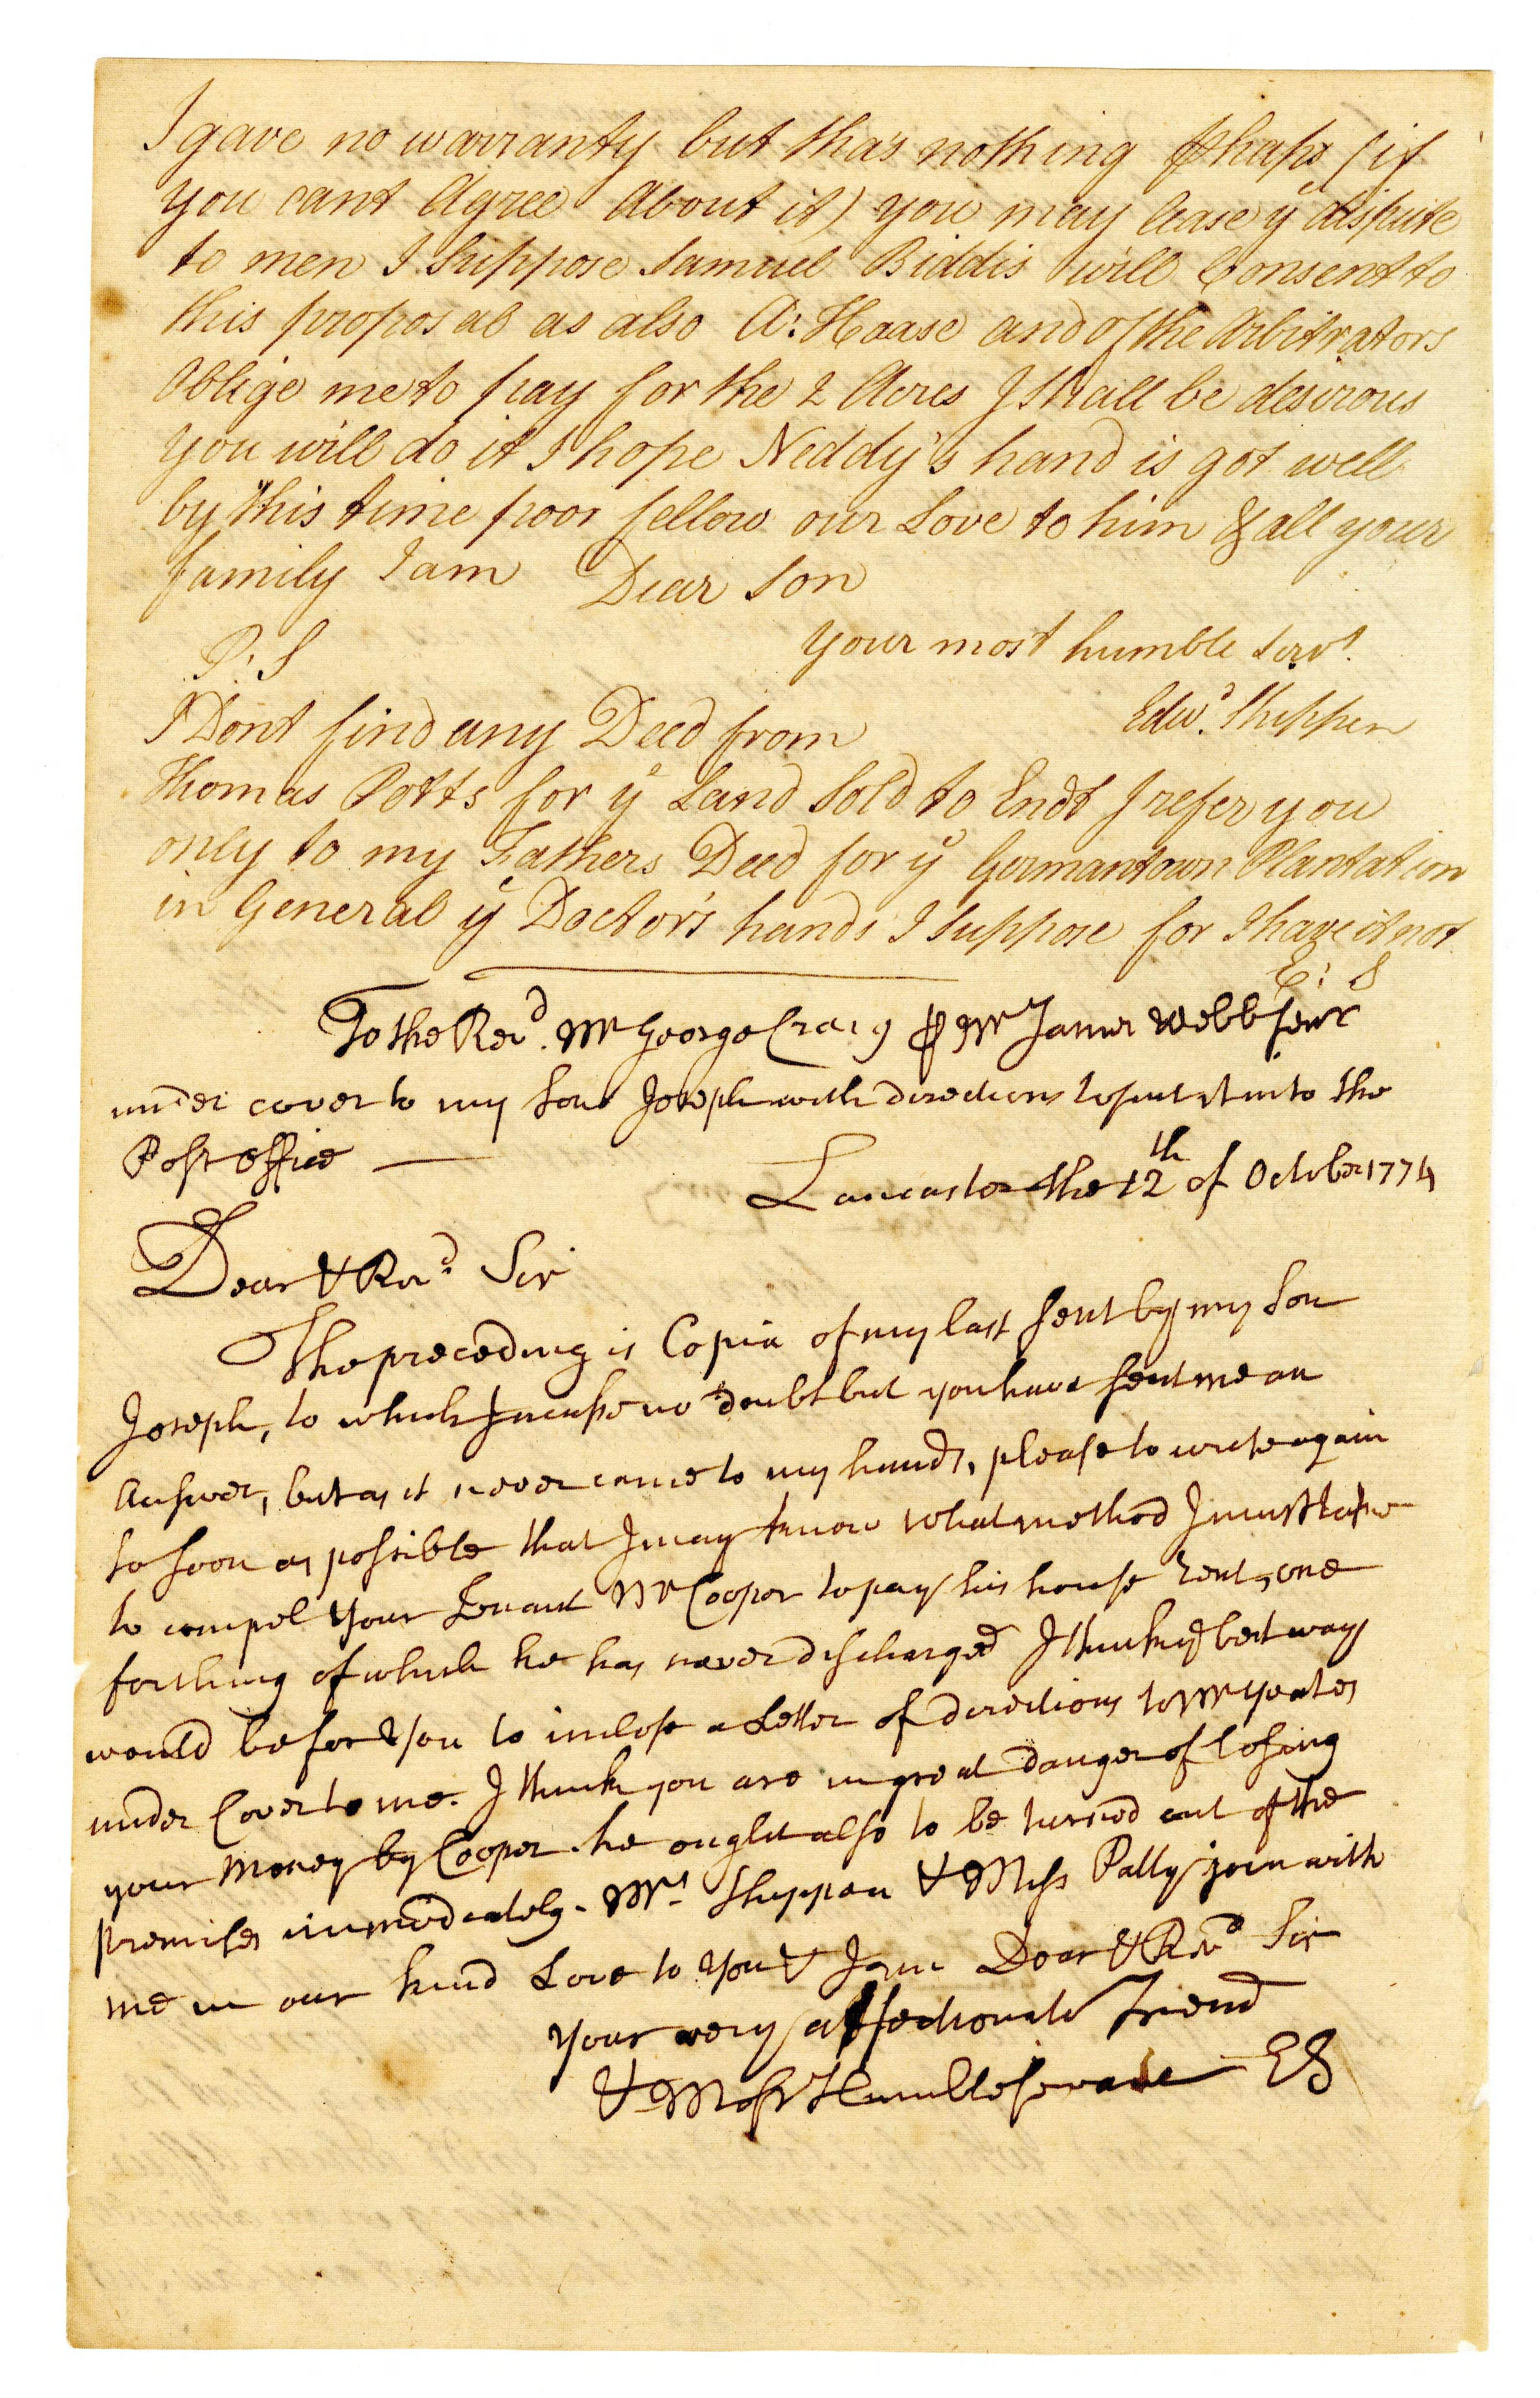I gave no warranty but thas nothing perhaps (if
You cant Agree About it) you may lease y^e dispute
to men I suppose Samuel Biddis will Consent to
this proposal as also A: Haase and of the Arbitrators
Oblige me to pray for the 2 Acres I shall be desirous
You will do it I hope Neddy's hand is got well
by this time poor fellow our Love to him & all your
family
I am
Dear son
Your most humble Serv^t.
Edw^d. Shippen
P:S
I Dont find any Deed from
Thomas Potts for y^e Land Sold to Endt I refer you
only to my Fathers Deed for y^e Germantown Plantation
in General y^e Doctor's hands I suppose for I have it not
E:S
To the Rev^d. M^r George Crary & M^r James Wellson
under cover to my Son Joseph with directions to send it into the
Post office
Lancaster the 12^th of October 1774
Dear & Rev^d. Sir
The preceding is Copia of my last sent by my son
Joseph, to which Inclose no doubt but you have sent me an
Answer, but as it never came to my hands, please to write again
so soon as possible that I may know what method I must take
to compel Your Servant M^r Cooper to pay his house rent, and
farthing of which he has never discharged I think y^e best way
would be for You to inclose a Letter of directions to M^r Yeates
under Cover to me. I think you are in great danger of losing
your Money by Cooper. he ought also to be turned out of the
premises immediately. M^rs. Shippen & Miss Patty join with
me in our kind Love to You
& I am Dear & Rev^d Sir
Your very affectionate Friend
& Most Humble Servant
ES